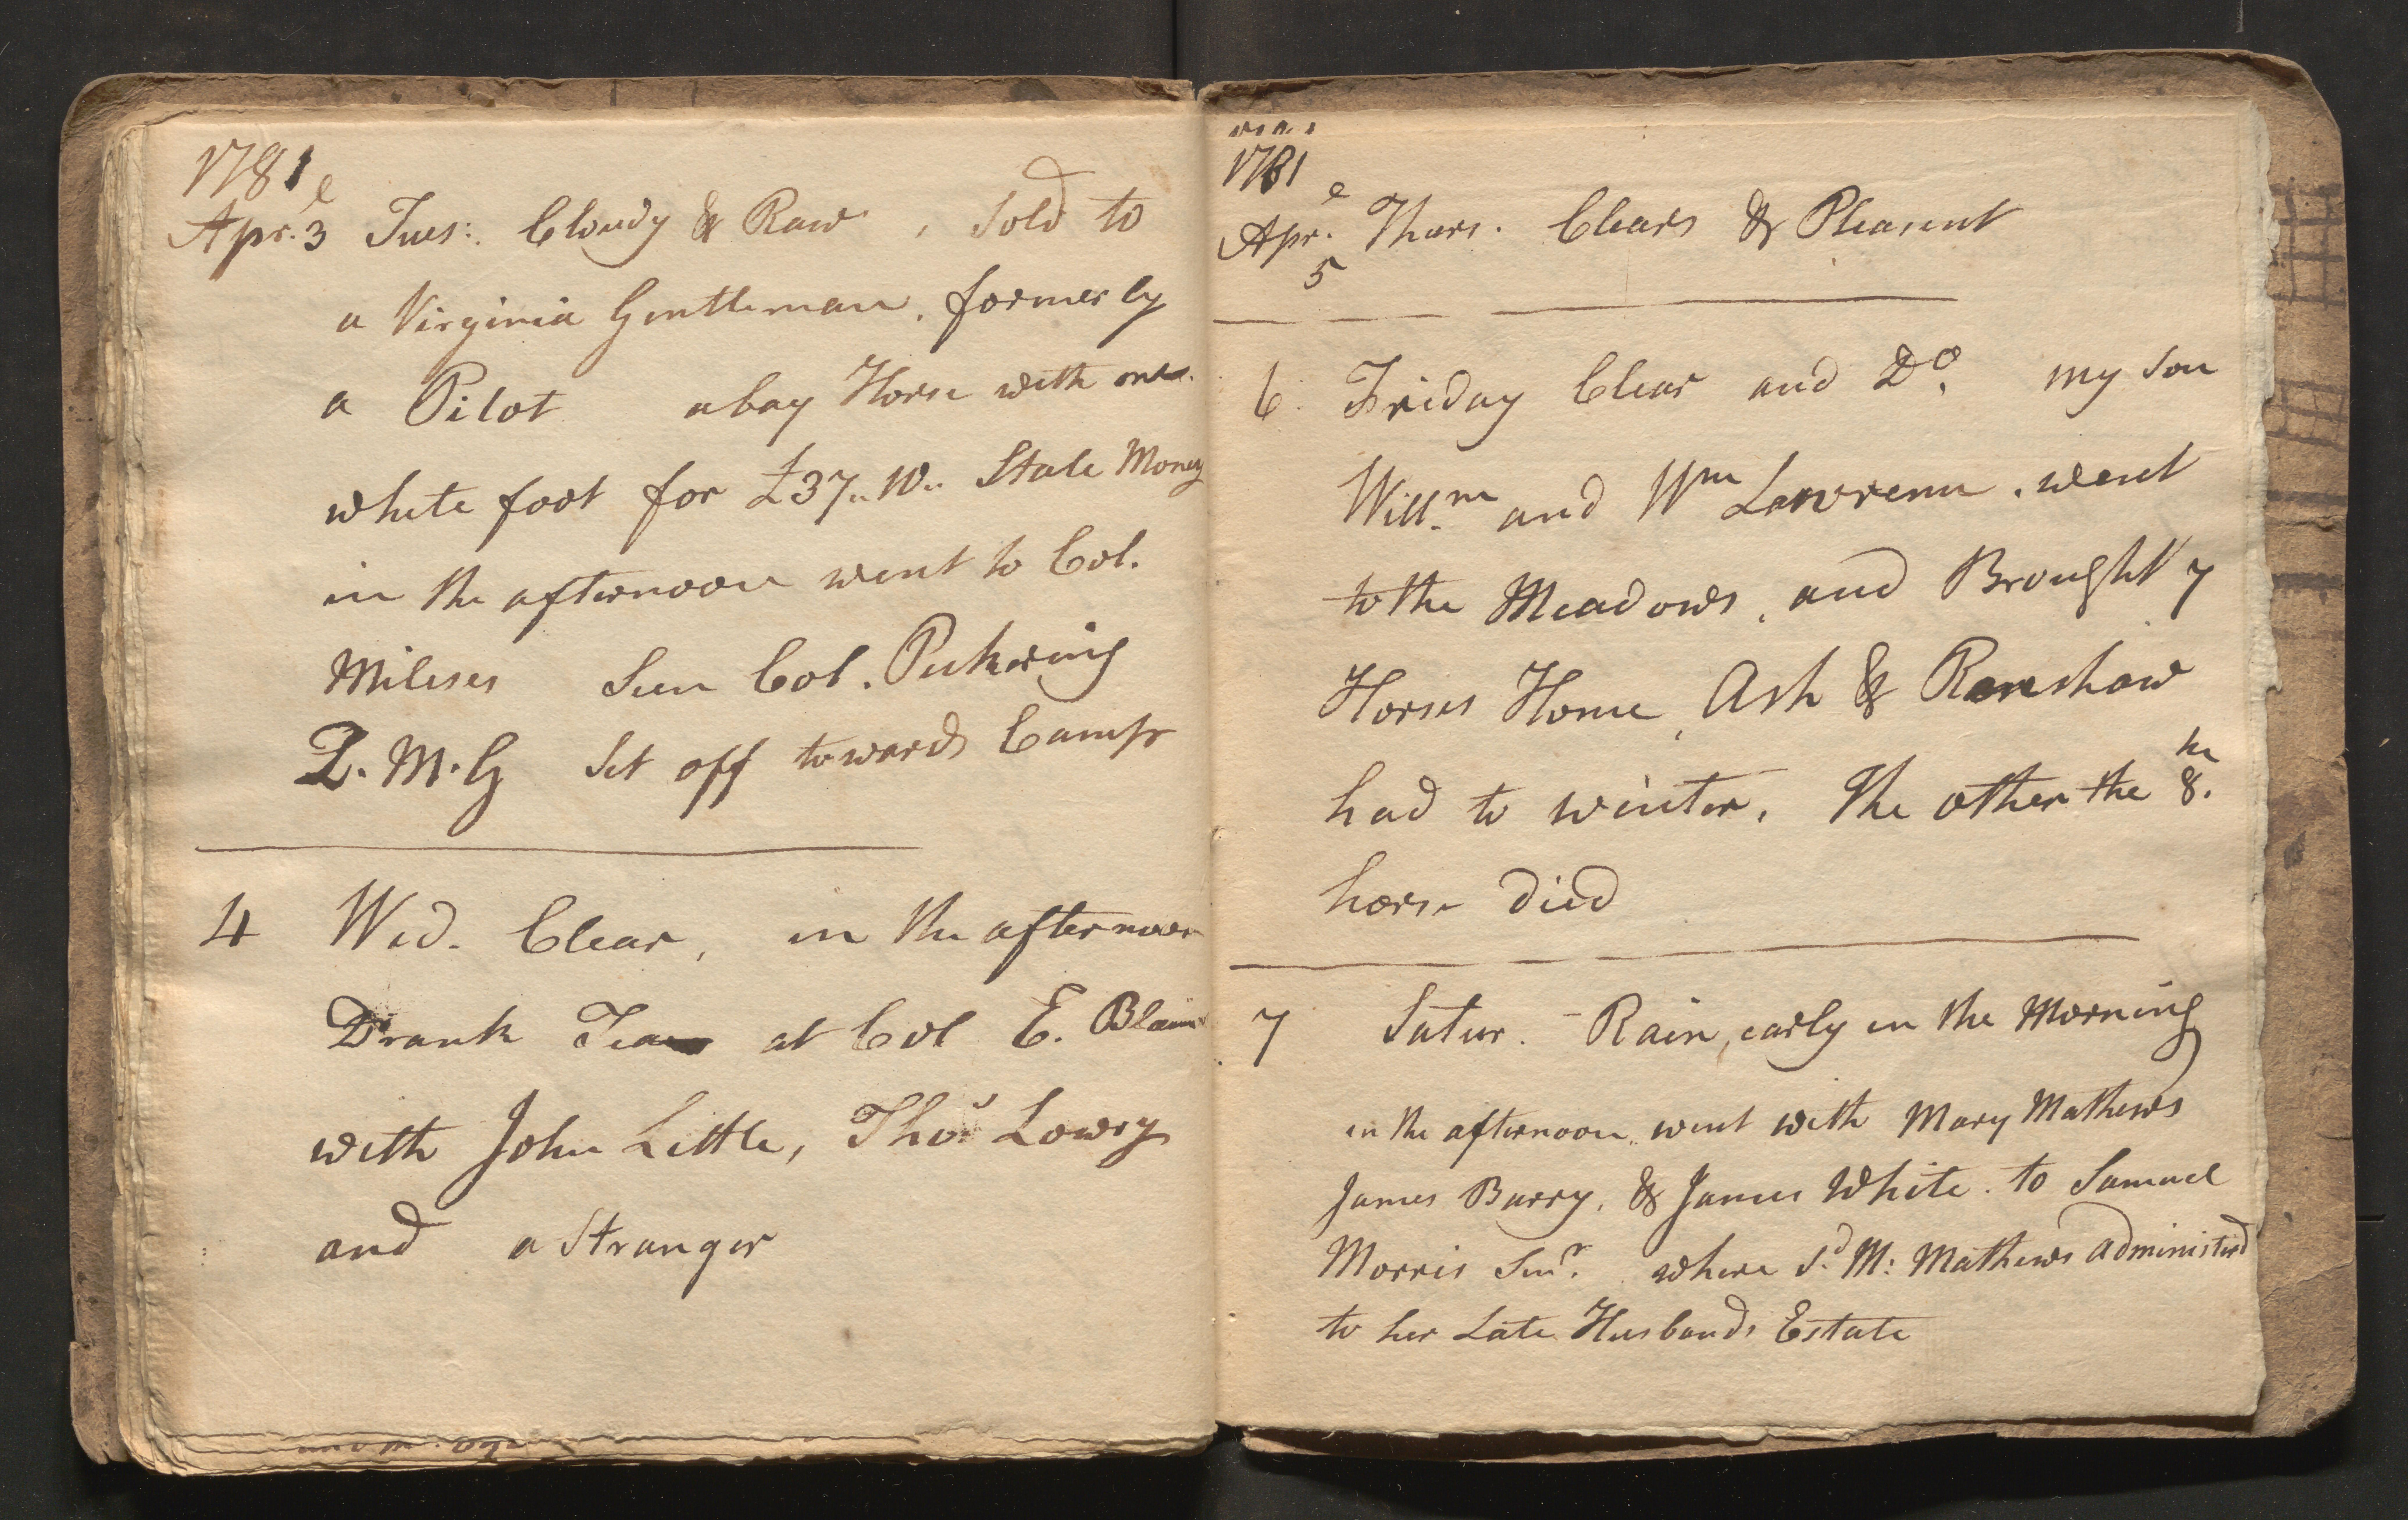1781
Apr^l. 3 Tues: Cloudy & Raw, sold to
a Virginia Gentleman. formerly
a Pilot a bay Horse with one
white foot for £37. W. State Mons
in the afternoon went to Col.
Mileses seen Col. Pikering
Q. M.G Set off towards Camp
4 Wed. Clear in the afternoon
Drank Teae at Col E. Blamn
with John Little, Tho^s Lowry
and a Stranger
1781
Apr^l. Thurs. Clears & Pleasent
5
6. Friday Clear and D^o. my son
Will^m. and W^m Lawrence went
to the Meadows and Brought 7
Horses Home Ash & Ranshaw
had to winter. The other the 8^th.
horse died
7 Satur. Rain early in the Morning
in the afternoon went with Mary Mathews
James Barry, & James White. to Samuel
Morris Sen^r. where s^d. M: Mathews Administers
to her Late Husbands Estate